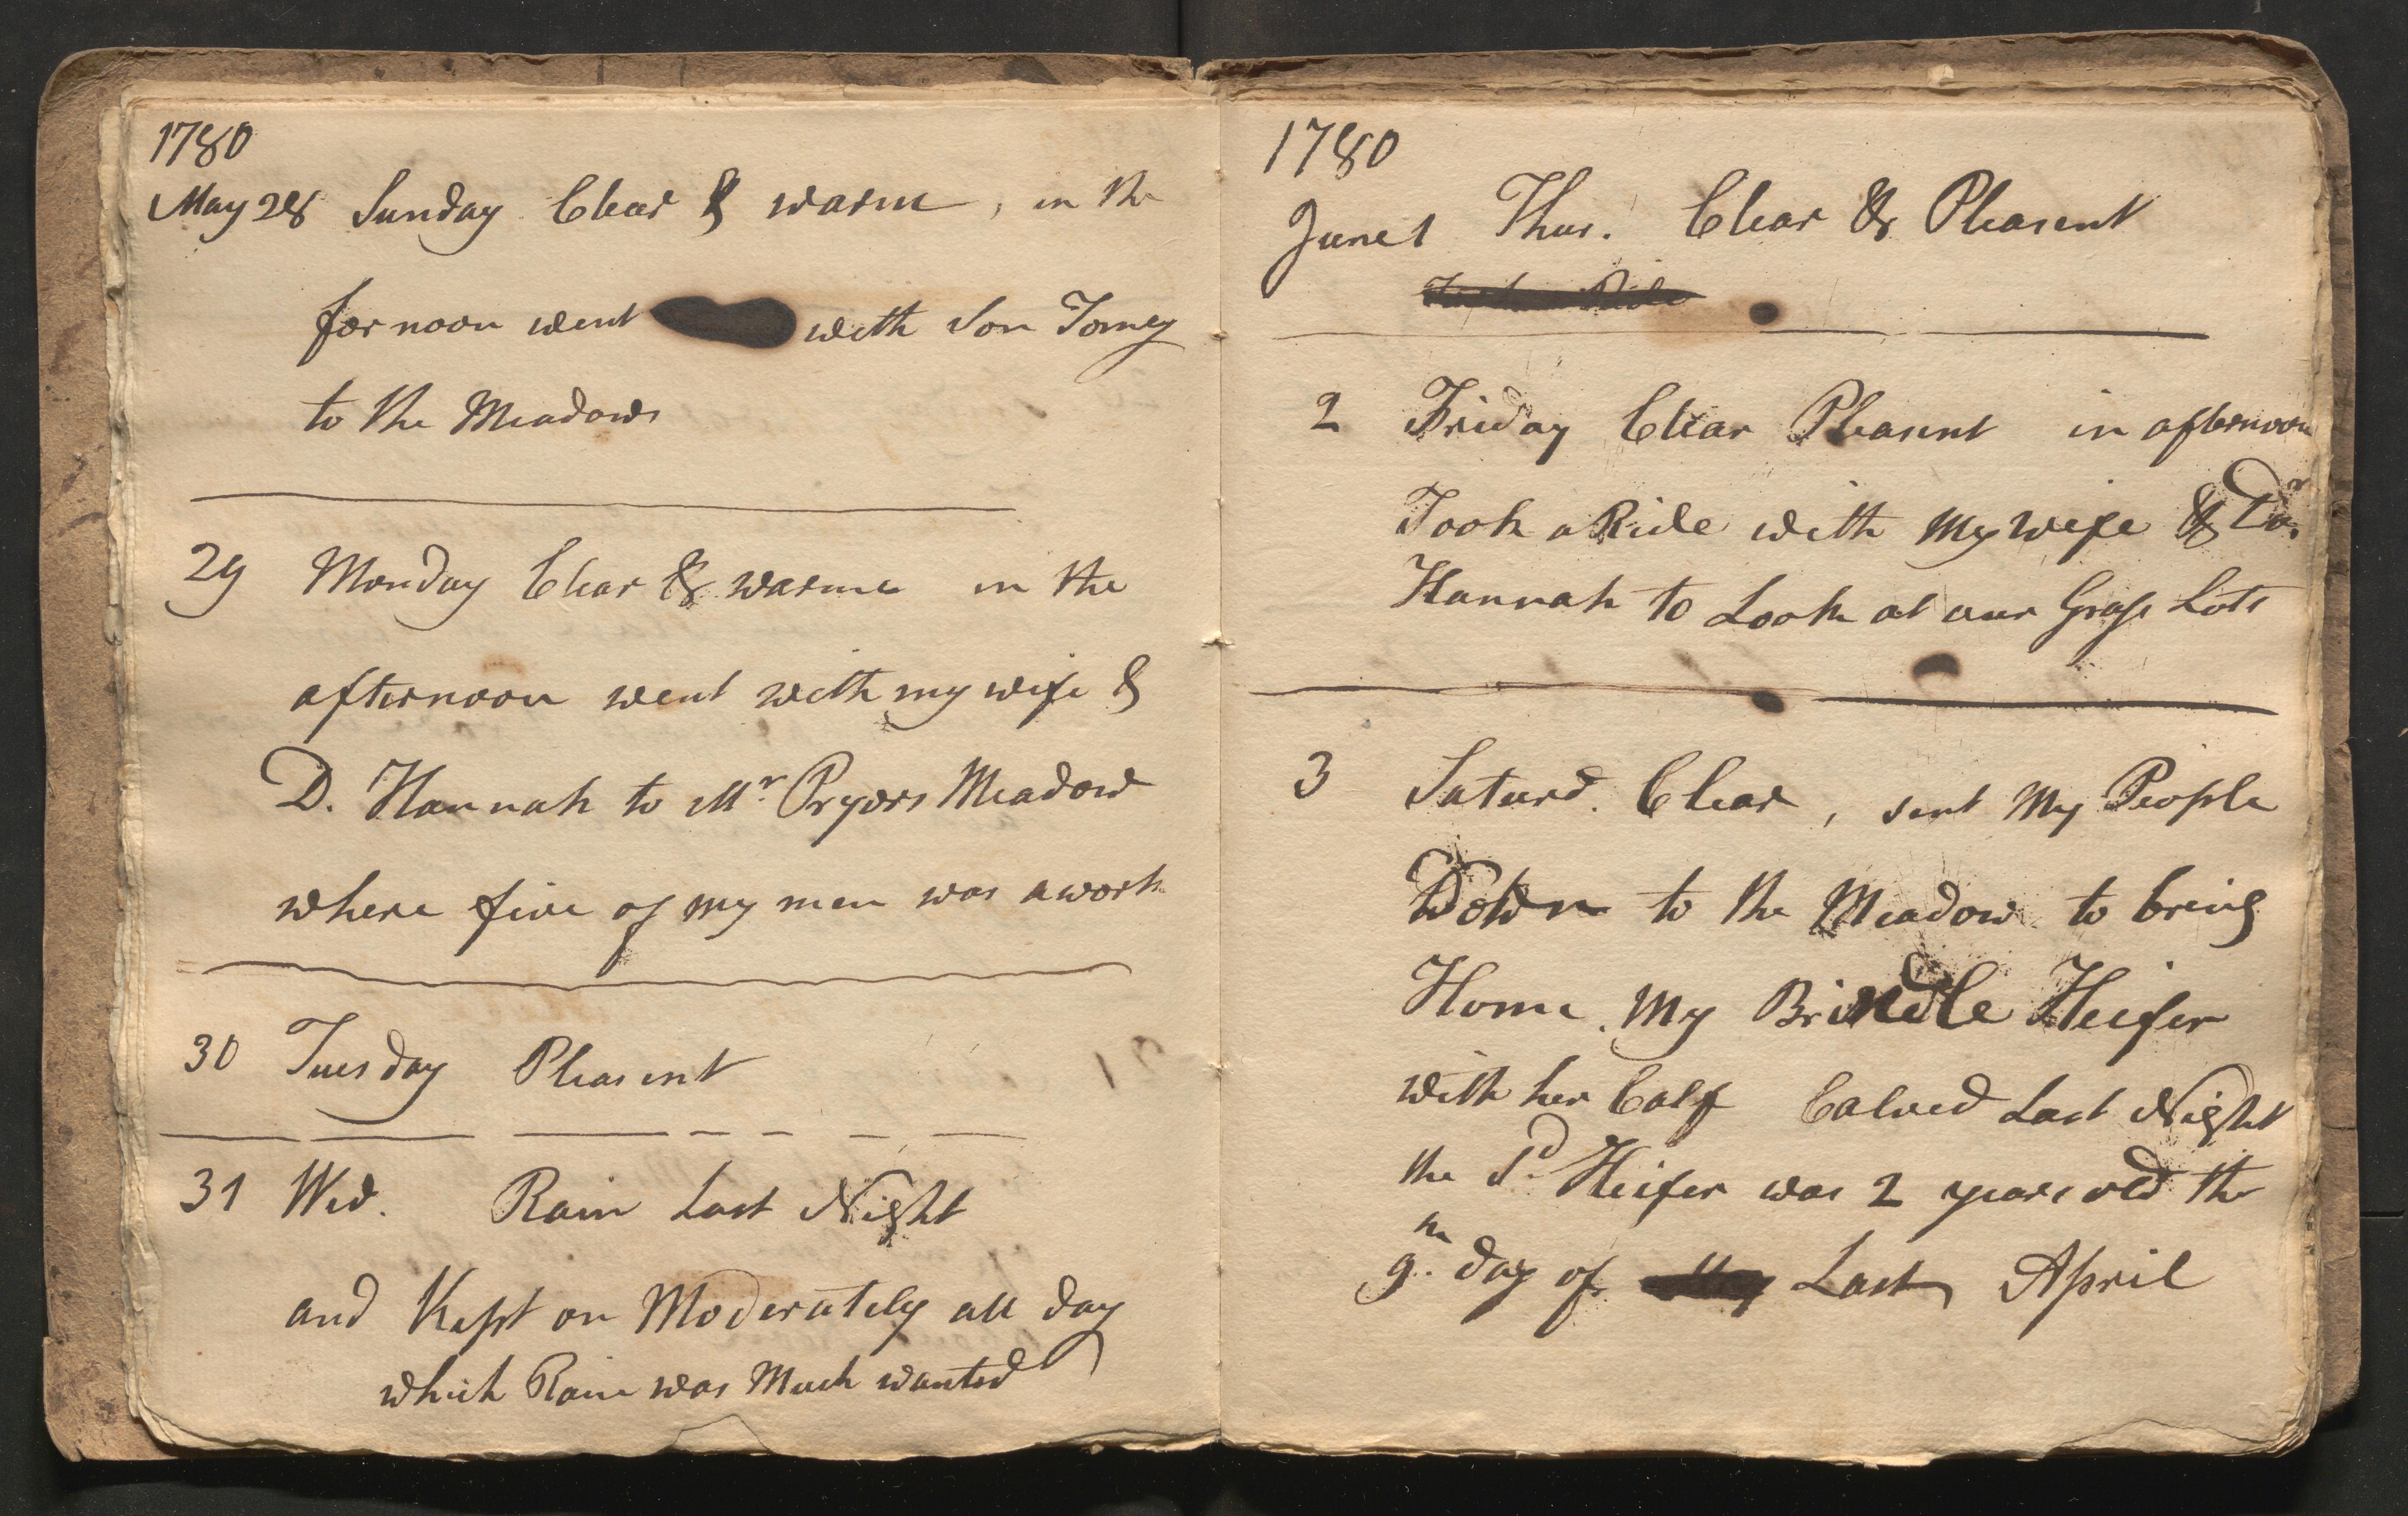1780
May 28^h Sunday Clear & warm, in the
for noon went with Son Tomey
to the Meadows
29 Monday Clear & warme, in the
afternoon went with my wife &
D. Hannah to M^r. Pryors Meadow
where five of my men was a work
30 Tuesday Pleasent
31 Wed. Rain Last Night
and kept on Moderately all day
which Rain was Much wanted
1780
June 1 Thus. Clear & Pleasent
[Took a Ride]
2 Friday Clear Pleasent, in afternoon
Took a Ride with My wife & Da^r.
Hannah to Look at our Grass Lots
3 Saturd, Clear, sent My People
Down to the Meadow to bring
Home My Britldle Heifer
with her Calf Calved Last Night
the S^d. Heifer was 2 years old the
9^t. day of [May] Last April